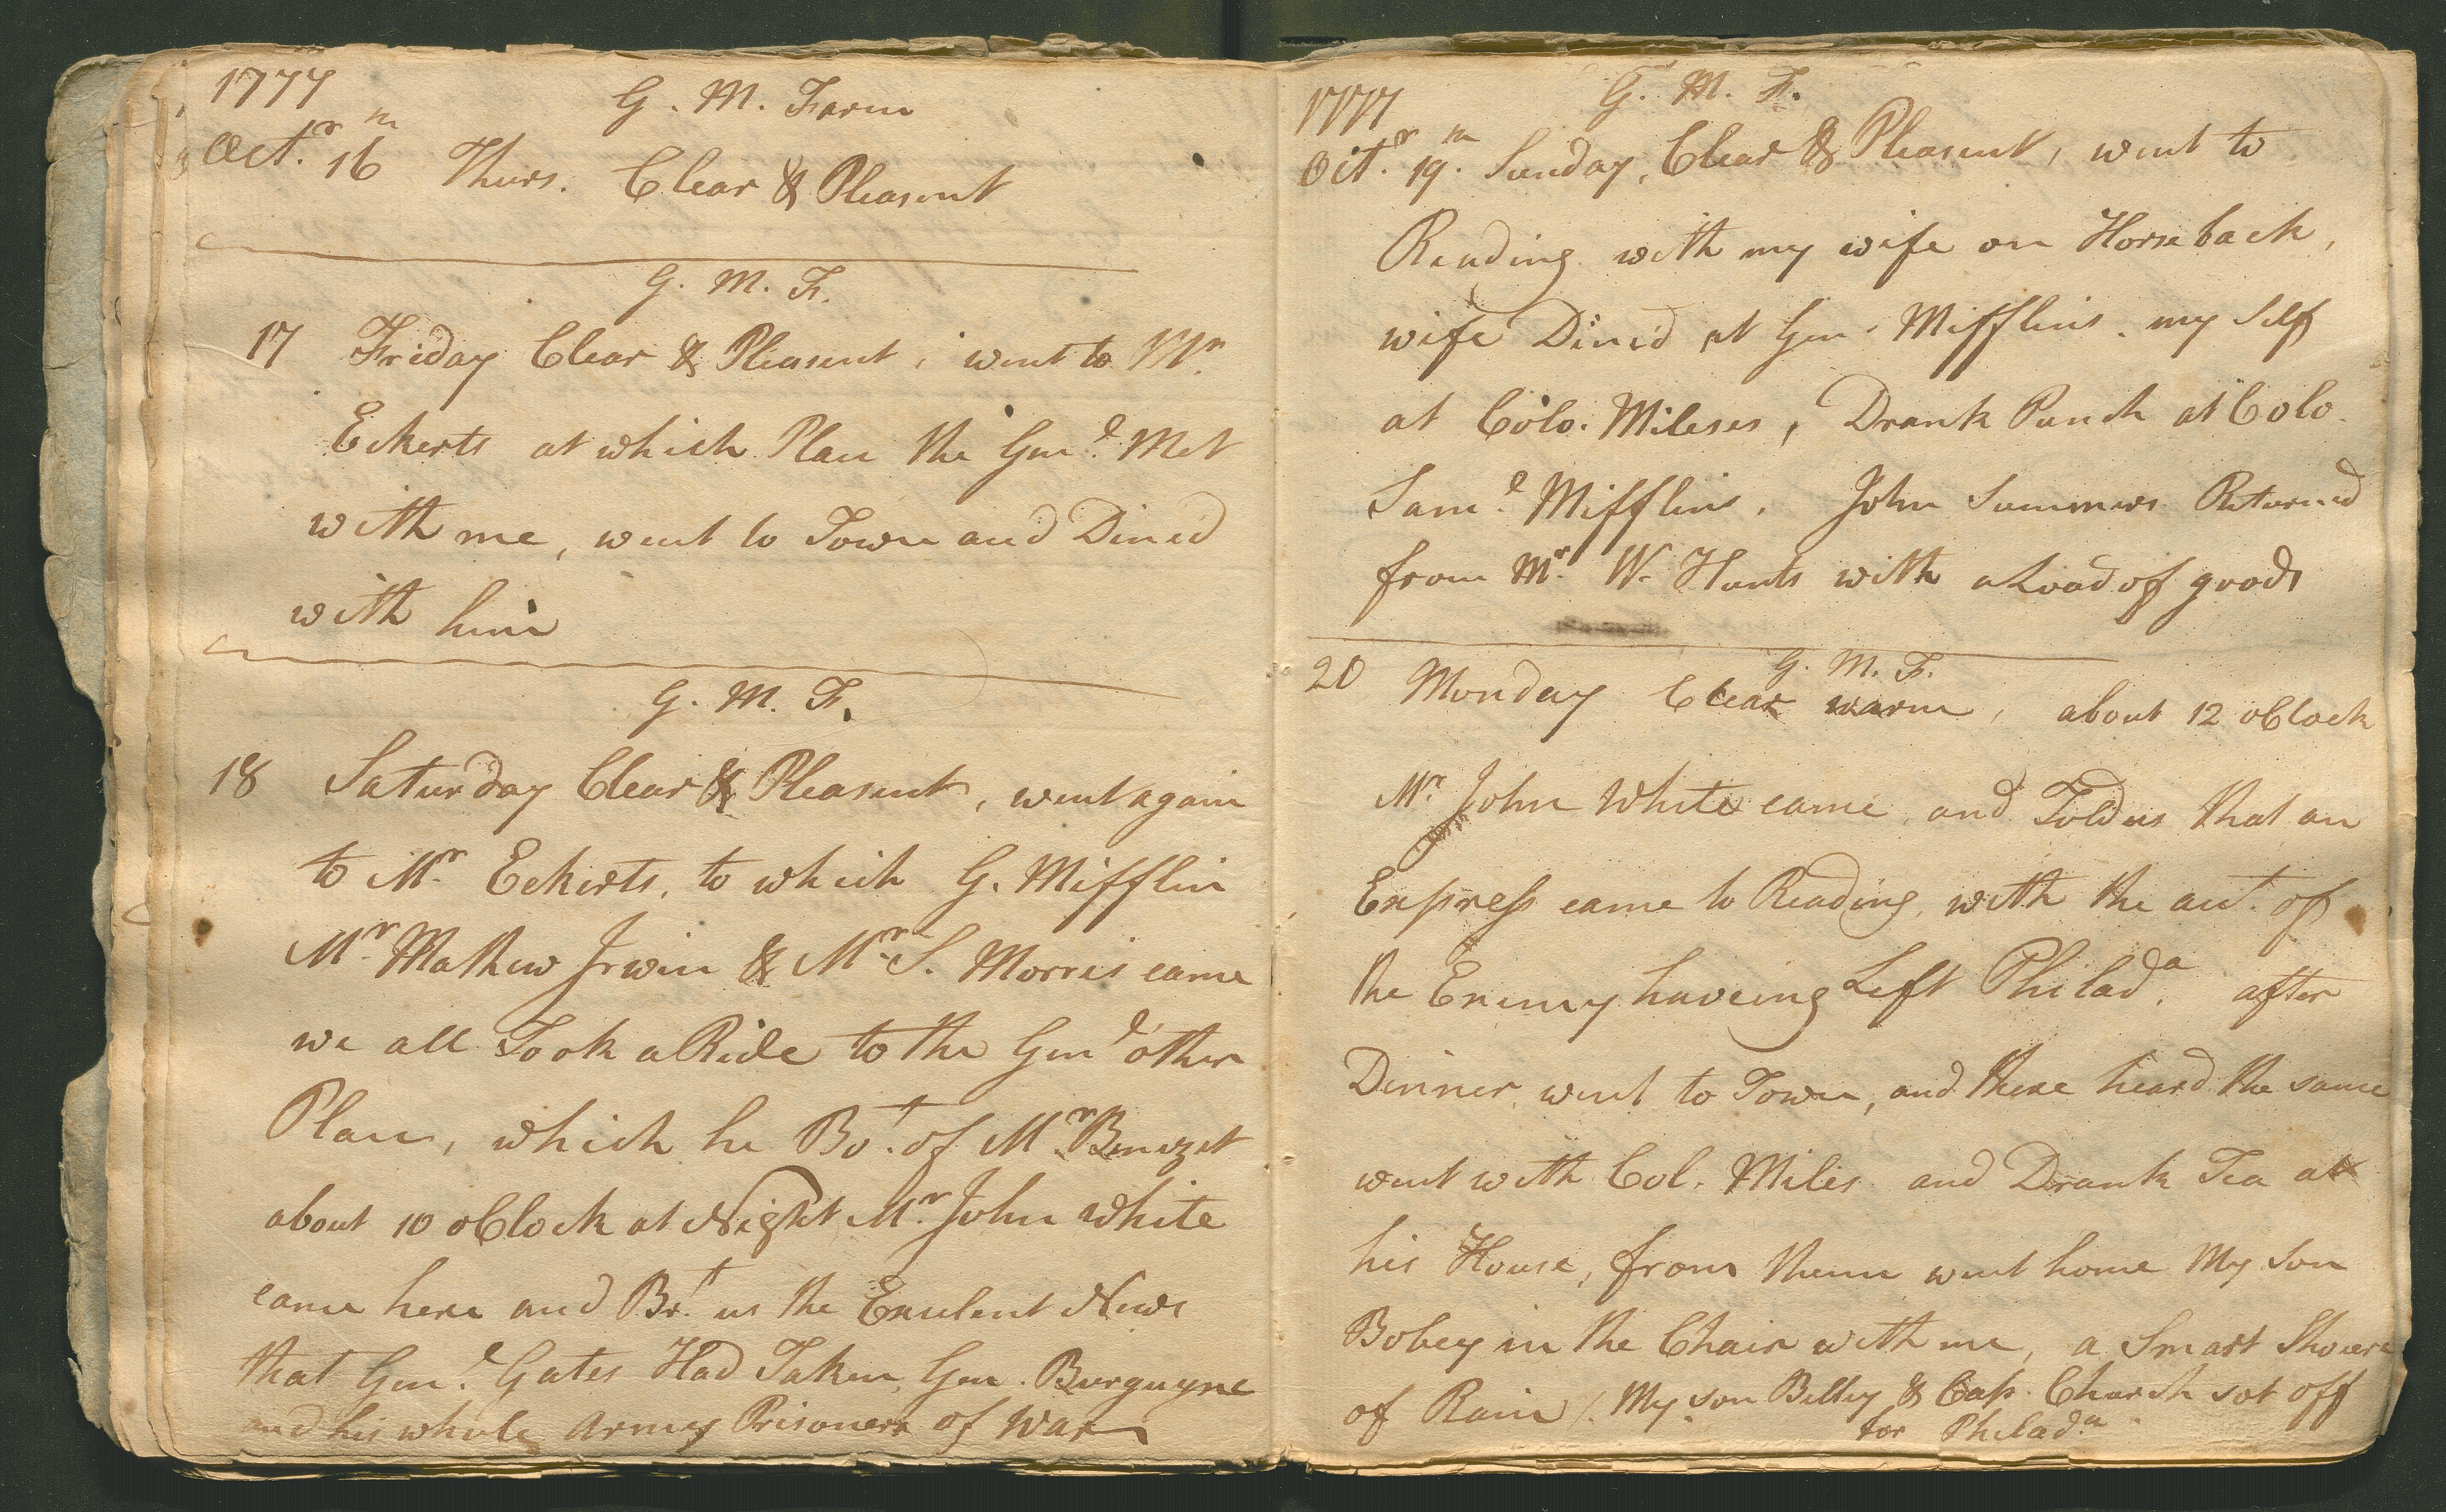1777
G. M. Farm
Oct^r. 16 Thurs. Clear & Pleasent
G. M. F.
17 Friday Clear & Pleasent, went to M^r.
Eckerts at which Place the Gen^l. Met
with me went to Town and Dined
with him
G. M. F.
18 Saturday Clear & Pleasent, went again
to M^r. Eckerts, to which G. Mifflin
M^r. Mathew Irwin & M^r. S. Morris came
we all Took a Ride to the Gen^l other
Place, which he Bo^t. of M^r. Benezet
about 10 oClock at Night M^r. John white
came here and Br^t. us the Excelent News
that Gen^l. Gates Had Taken Genl. Burguyne
ad his whole Army Prisoners of war
G.. M. F.
1777
Oct^r. 17^th. Sunday, Clear & Pleasent, went to
Reading with my wife on Horseback,
wife Dined at Gen^l. Mifflins, my self
at Colo. Mileses, Drank Punch at Colo.
Sam^l. Mifflins. John Summers Returned
from M^r. W^r. Hunts with a Load of goods
G. M. F.
20 Monday Clear warm, about 12 oClock
M^r. John White came, and Told us that an
Express came to Reading, with the acc^t. of
the Enemy haveing Left Philad^a. after
Dinner went to Town and there heard the same
went with Col. Miles and Drank Tea at
his House, from thence went home My Son
Bobey in the Chair with me, a Smart Shoure
of Rain My son Billey & Cap. Church set off
for Philad^a.